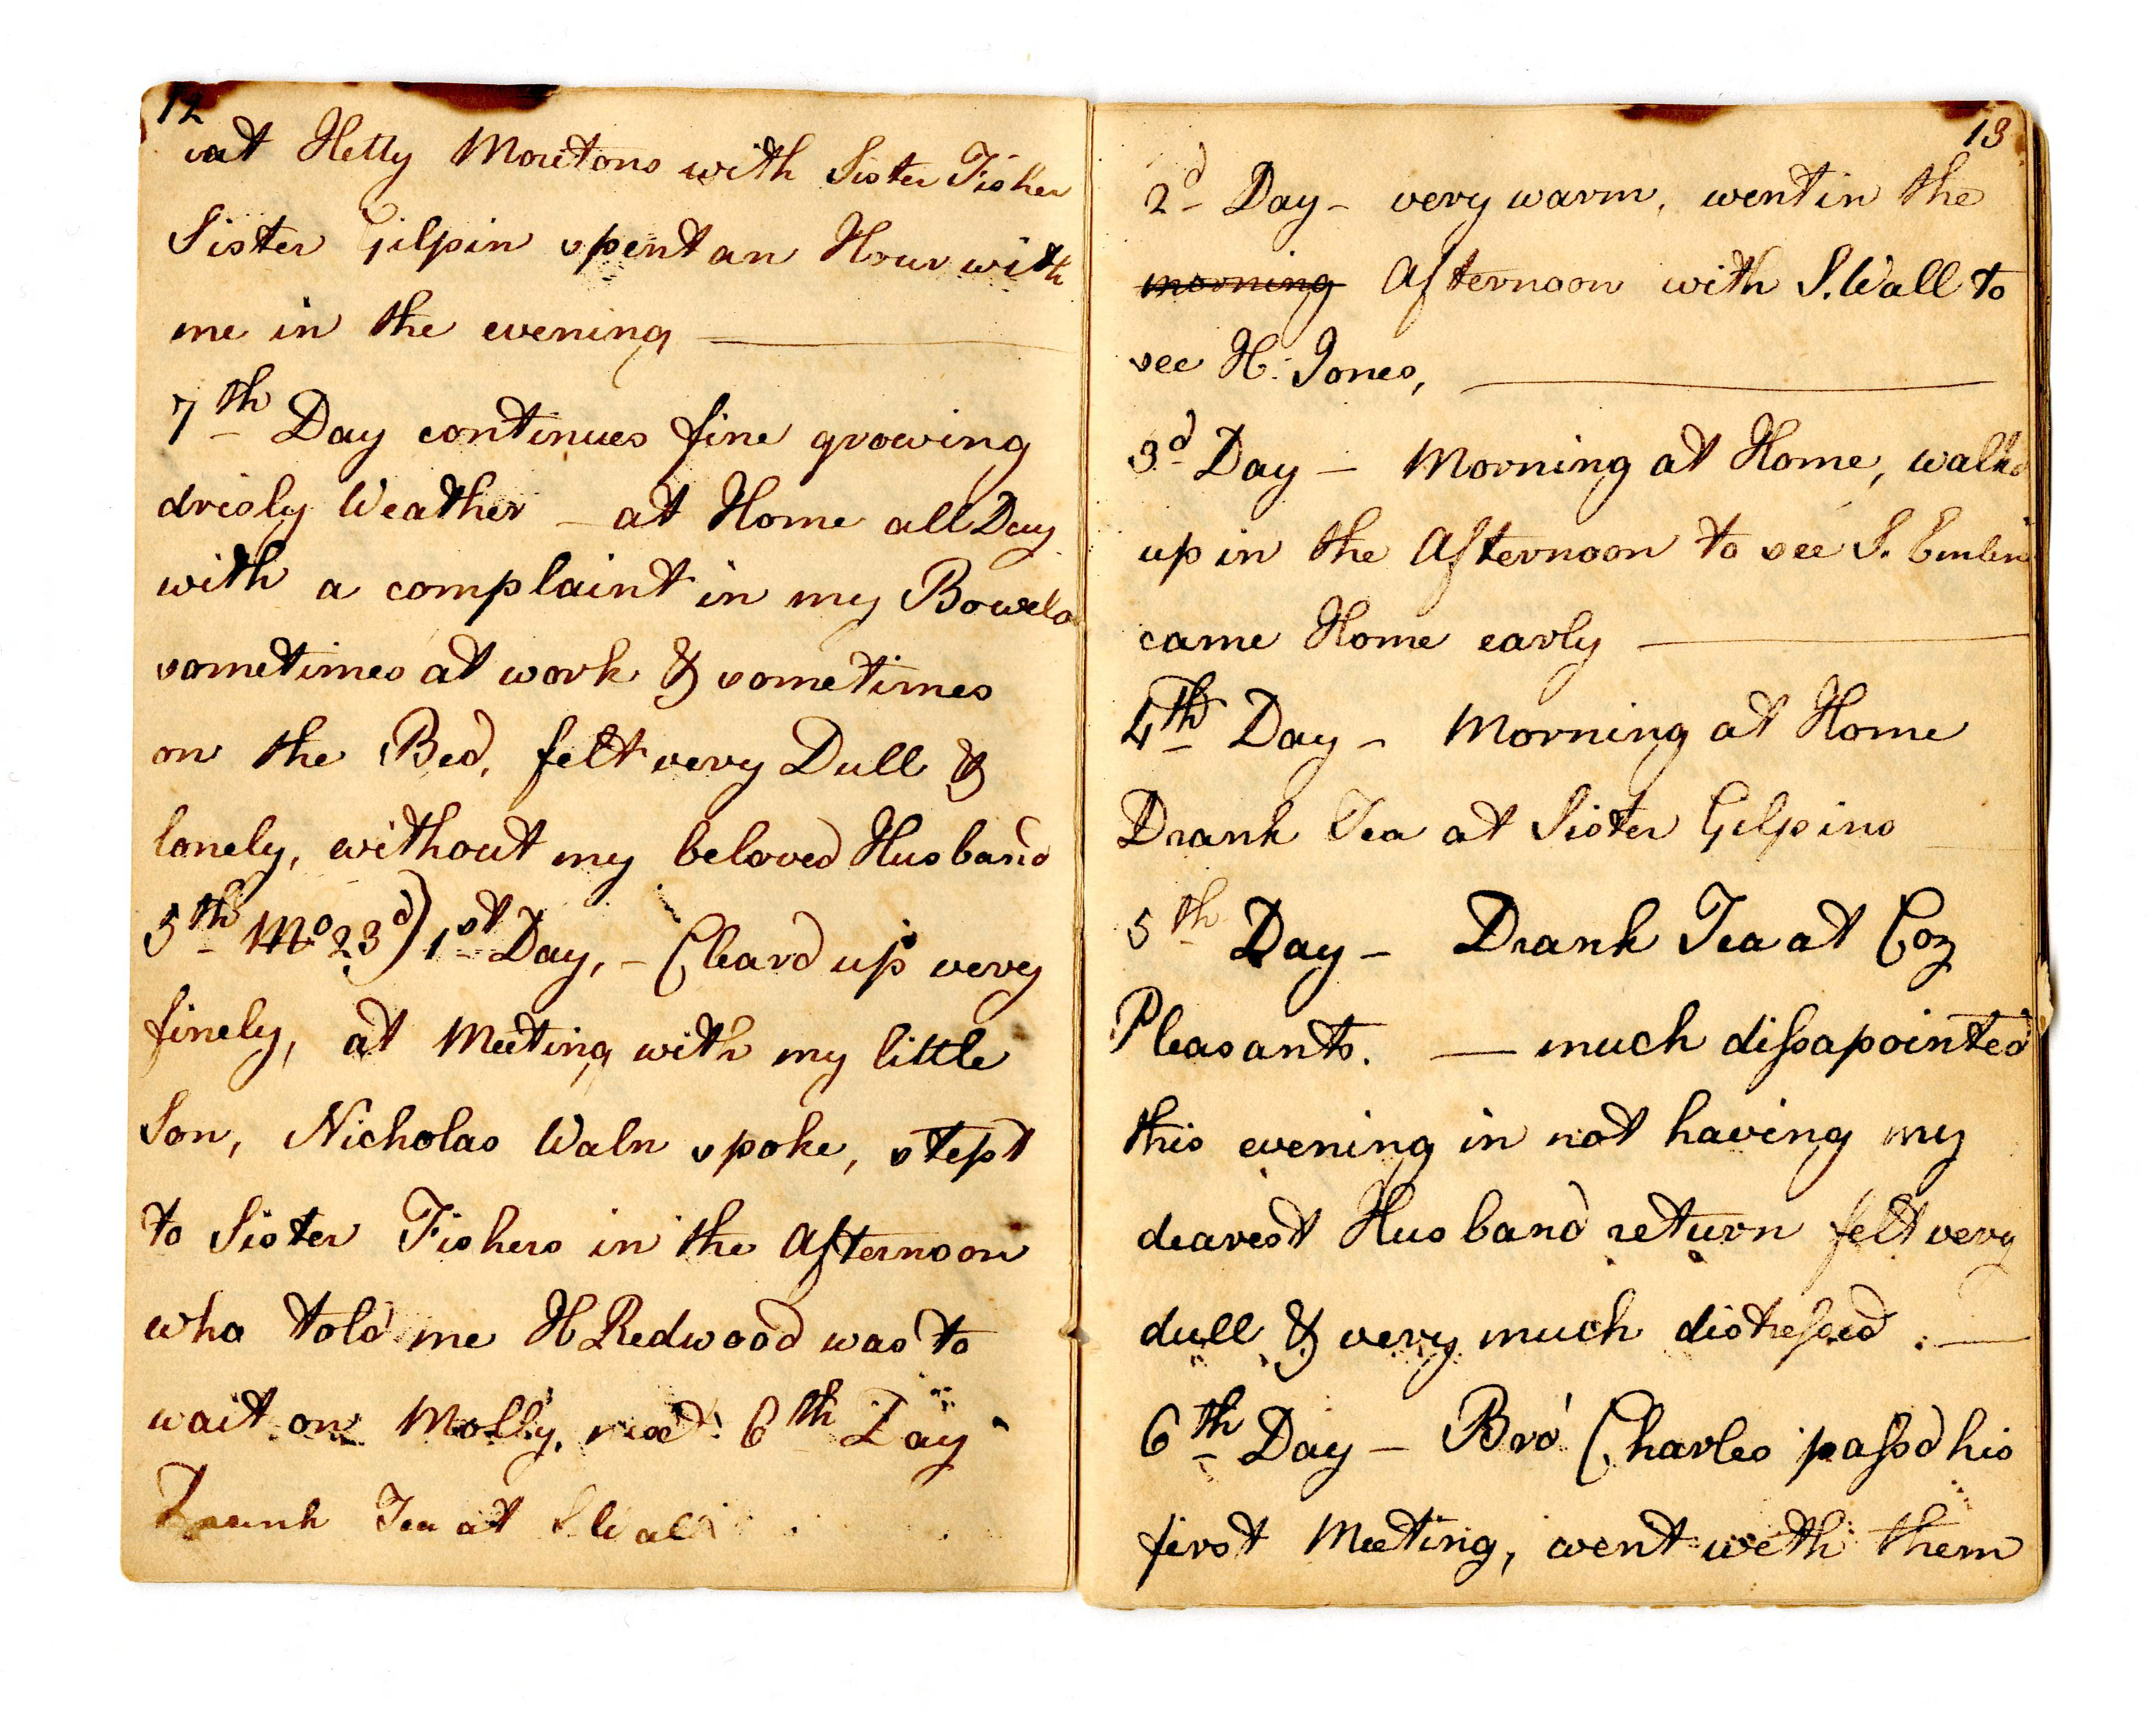at Hetty Moretons with Sister Fisher
Sister Gilpin spent an Hour with
me in the evening-
7^th Day continues fine growing
drisly Weather- at Home all Day
with a complaint in my Bowels
sometimes at work & sometimes
on the Bed, felt very Dull &
lonely, without my beloved Husband
5^th M^o 23^d) 1^st Day,- Cleard up very
finely, at Meeting with my little
Son, Nicholas Waln spoke, stept
to Sister Fishers in the Afternoon
who told me H Redwood was to
wait on Molly recd 6^th Day
drunk Tea at S. Waln
13
2^d Day- very warm, went in the
[morning] Afternoon with S. Wall to
see H: Jones,
3^d Day- Morning at Home, walkd
up in the Afternoon to see S. Emlen
came Home early-
4^th Day- Morning at Home
Drank Tea at Sister Gilpins
5^th Day- Drank Tea at Coz
Pleasants.- much dissapointed
this evening in not having my
dearest Husband return felt very
dull & very much distressed.-
6^th Day- Bro' Charles passd his
first Meeting, went with them